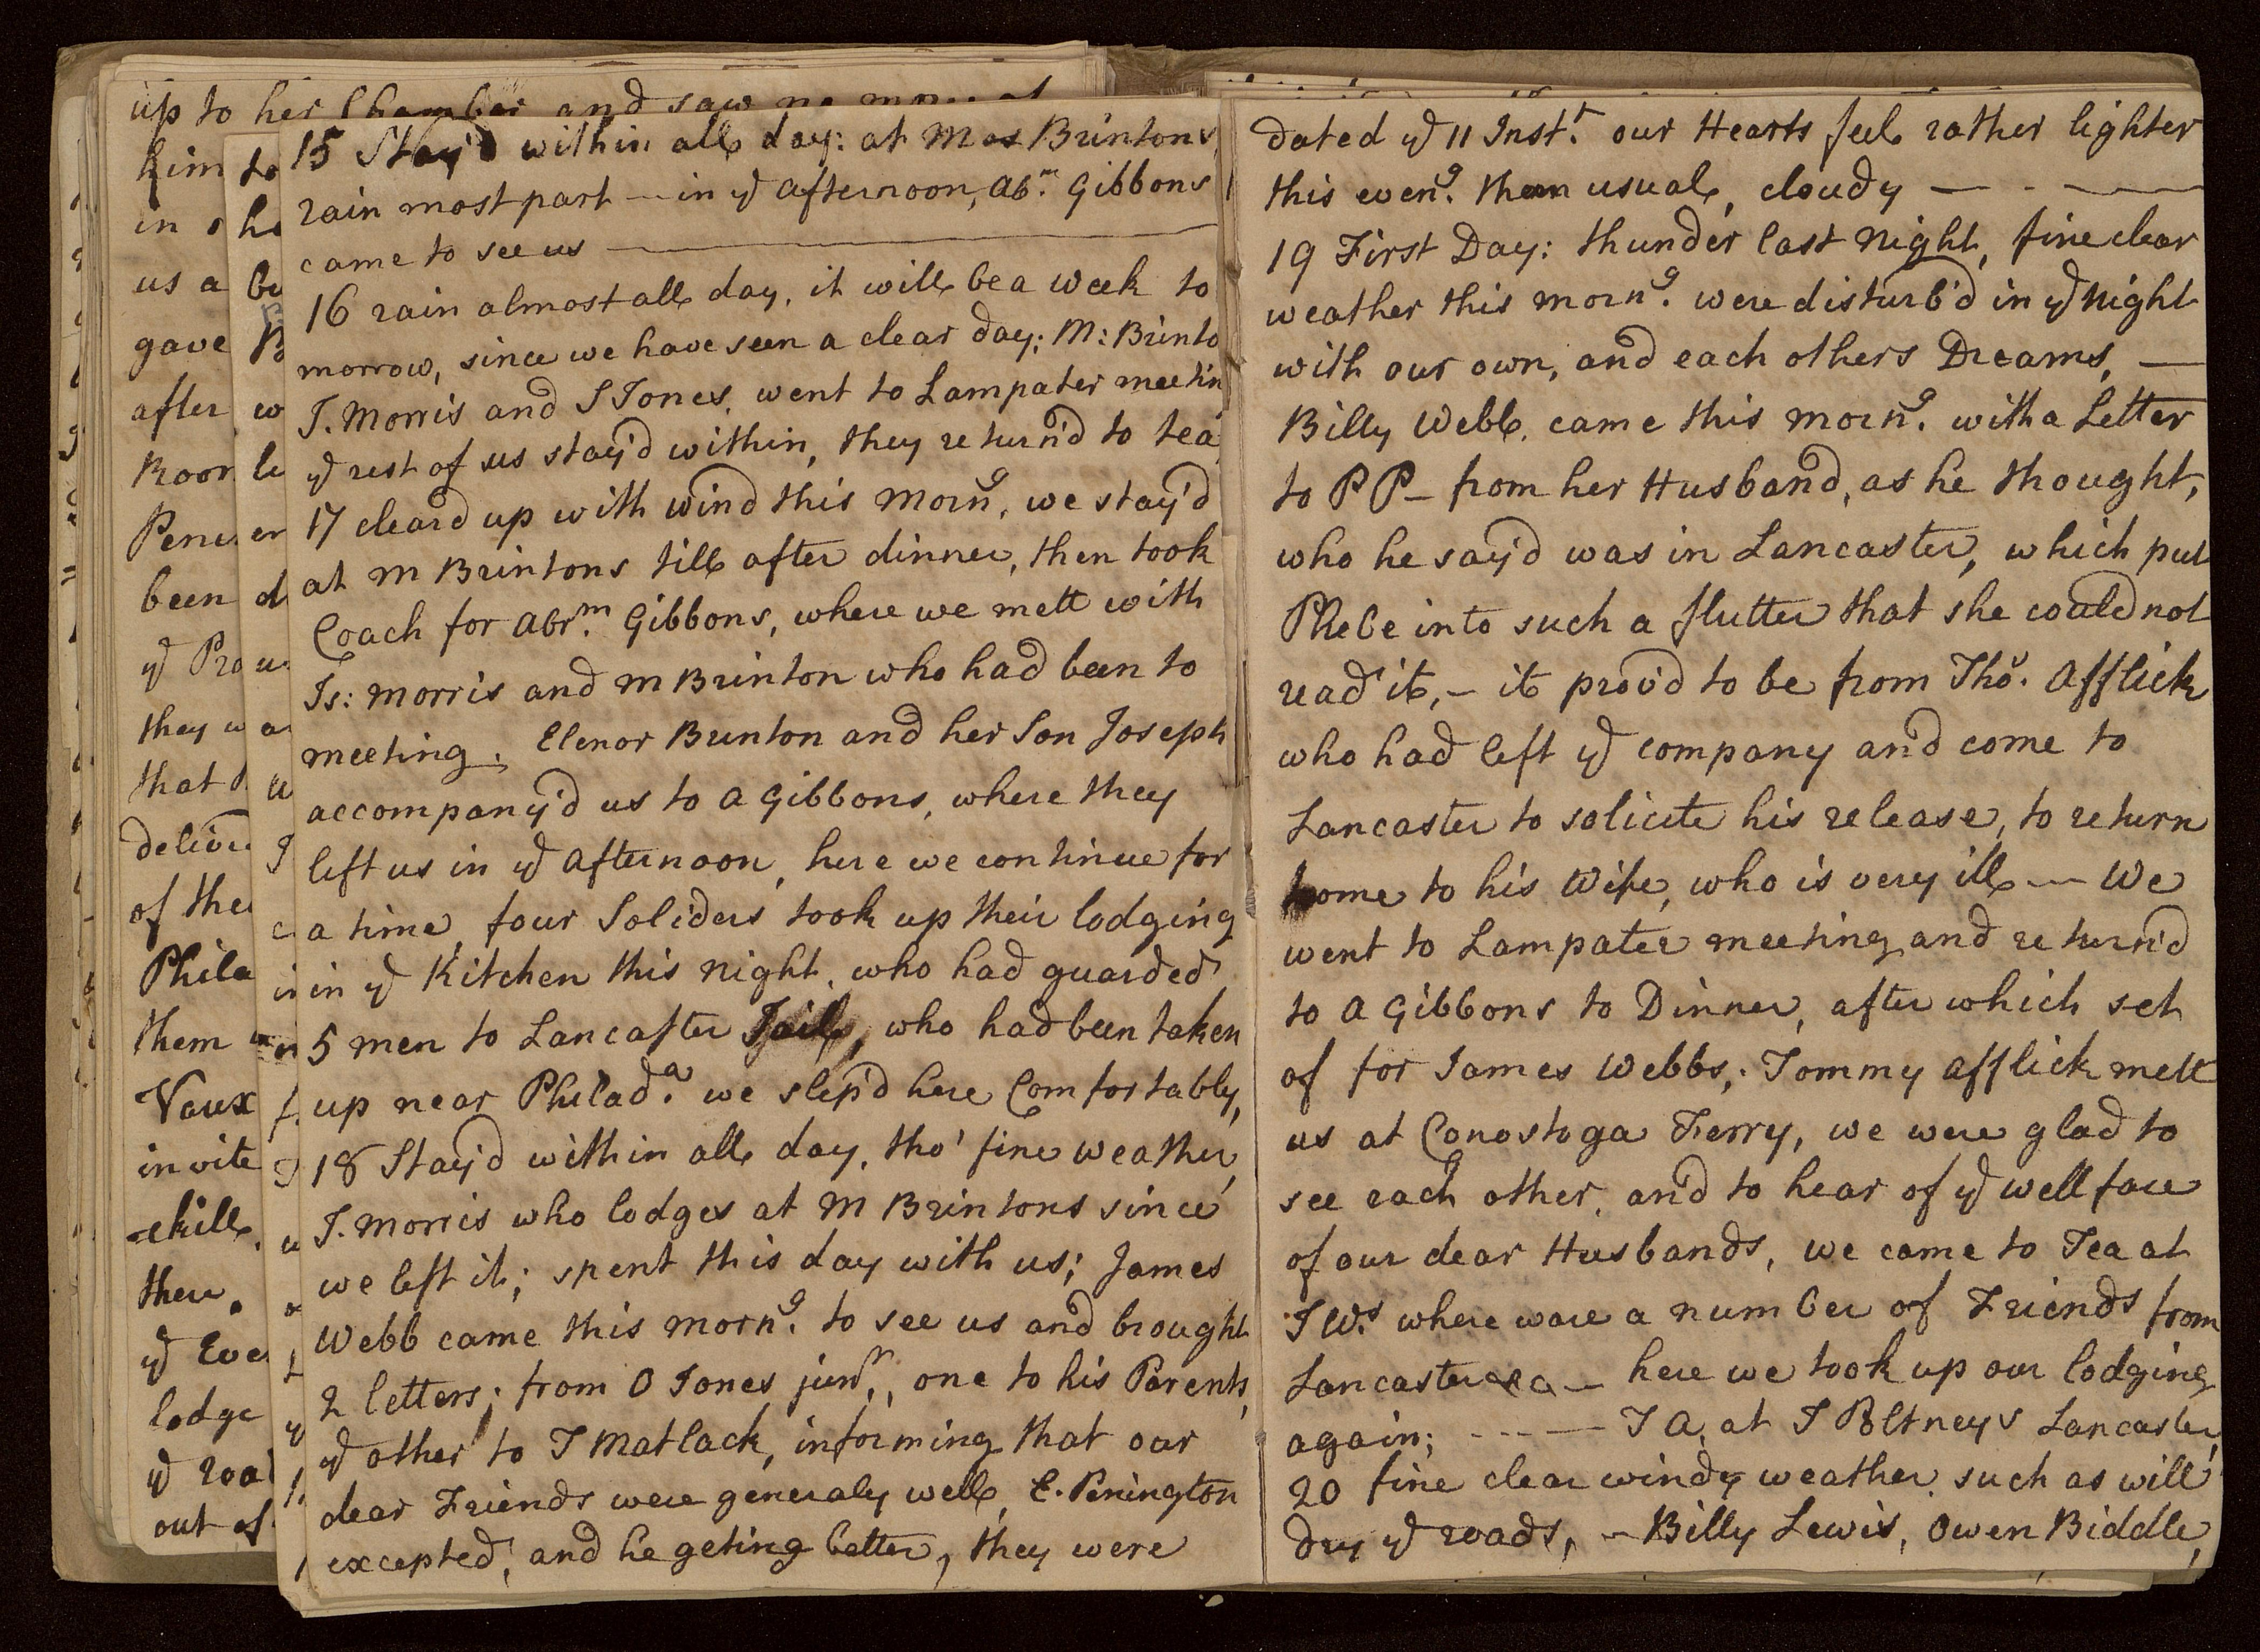15 Stay'd within all day: at Mas Brintons,
rain most part- in y^e afternoon, Ab^m. Gibbons
came to see us-
16 rain almost all day, it will be a week to
morrow, since we have seen a clear day; M: Brinto
T. Morris and S Jones, went to Lampater meetin
y^e rest of us stay'd within, they return'd to tea
17 cleard up with wind this morn^g, we stay'd
at M Brintons till after dinner, then took
Coach for Abr^m. Gibbons, where we mett with
Is: Morris and M Brinton who had been to
meeting. Elenor Bunton and her son Joseph
accompany'd us to a Gibbons, where they
left us in y^e afternoon, here we continue for
a time, four Soliders took up their lodging
in y^e Kitchen this night, who had guarded
5 men to Lancaster Jail. who had been taken
up near Philad^a. we slep'd here comfortably,
18 Stay'd with in all day, tho' fine weather,
T. Morris who lodges at M Brintons since
we left it; spent this day with us; James
Webb came this morn^g. to see us and brought
2 letters; from O Jones jun^r., one to his Parents,
y^e other to T Matlack, informing that our
dear Friends were generaly well, E. Penington
excepted, and he geting better, they were
dated y^e 11 Inst^t. our Hearts feel rather lighter
this even^g. than usual, cloudy--
19 First Day: thunder last night, fine clear
weather this morn^g. were disturb'd in y^e night
with our own, and each others Dreams,-
Billy Webb came this morn^g. with a Letter
to PP- from her Husband, as he thought,
who he say'd was in Lancaster, which put
Phebe into such a flutter that she could not
read it,- it prov'd to be from Tho^s. Afflick
who had left y^e company and come to
Lancaster to solicite his release, to return
home to his Wife, who is very ill- We
went to Lampater meeting and return'd
to A Gibbons to Dinner, after which set
of for James Webbs; Tommy Afflick mett
us at Conostoga Ferry, we were glad to
see each other, and to hear of y^e well fare
of our dear Husbands, we came to Tea at
S W^s. where ware a number of Friends from
Lancaster &c-- here we took up our lodging
again;-- TA at S Poltneys Lancaster
20 fine clear windy weather such as will
dry y^e reads,- Billy Lewis, Owen Biddle,